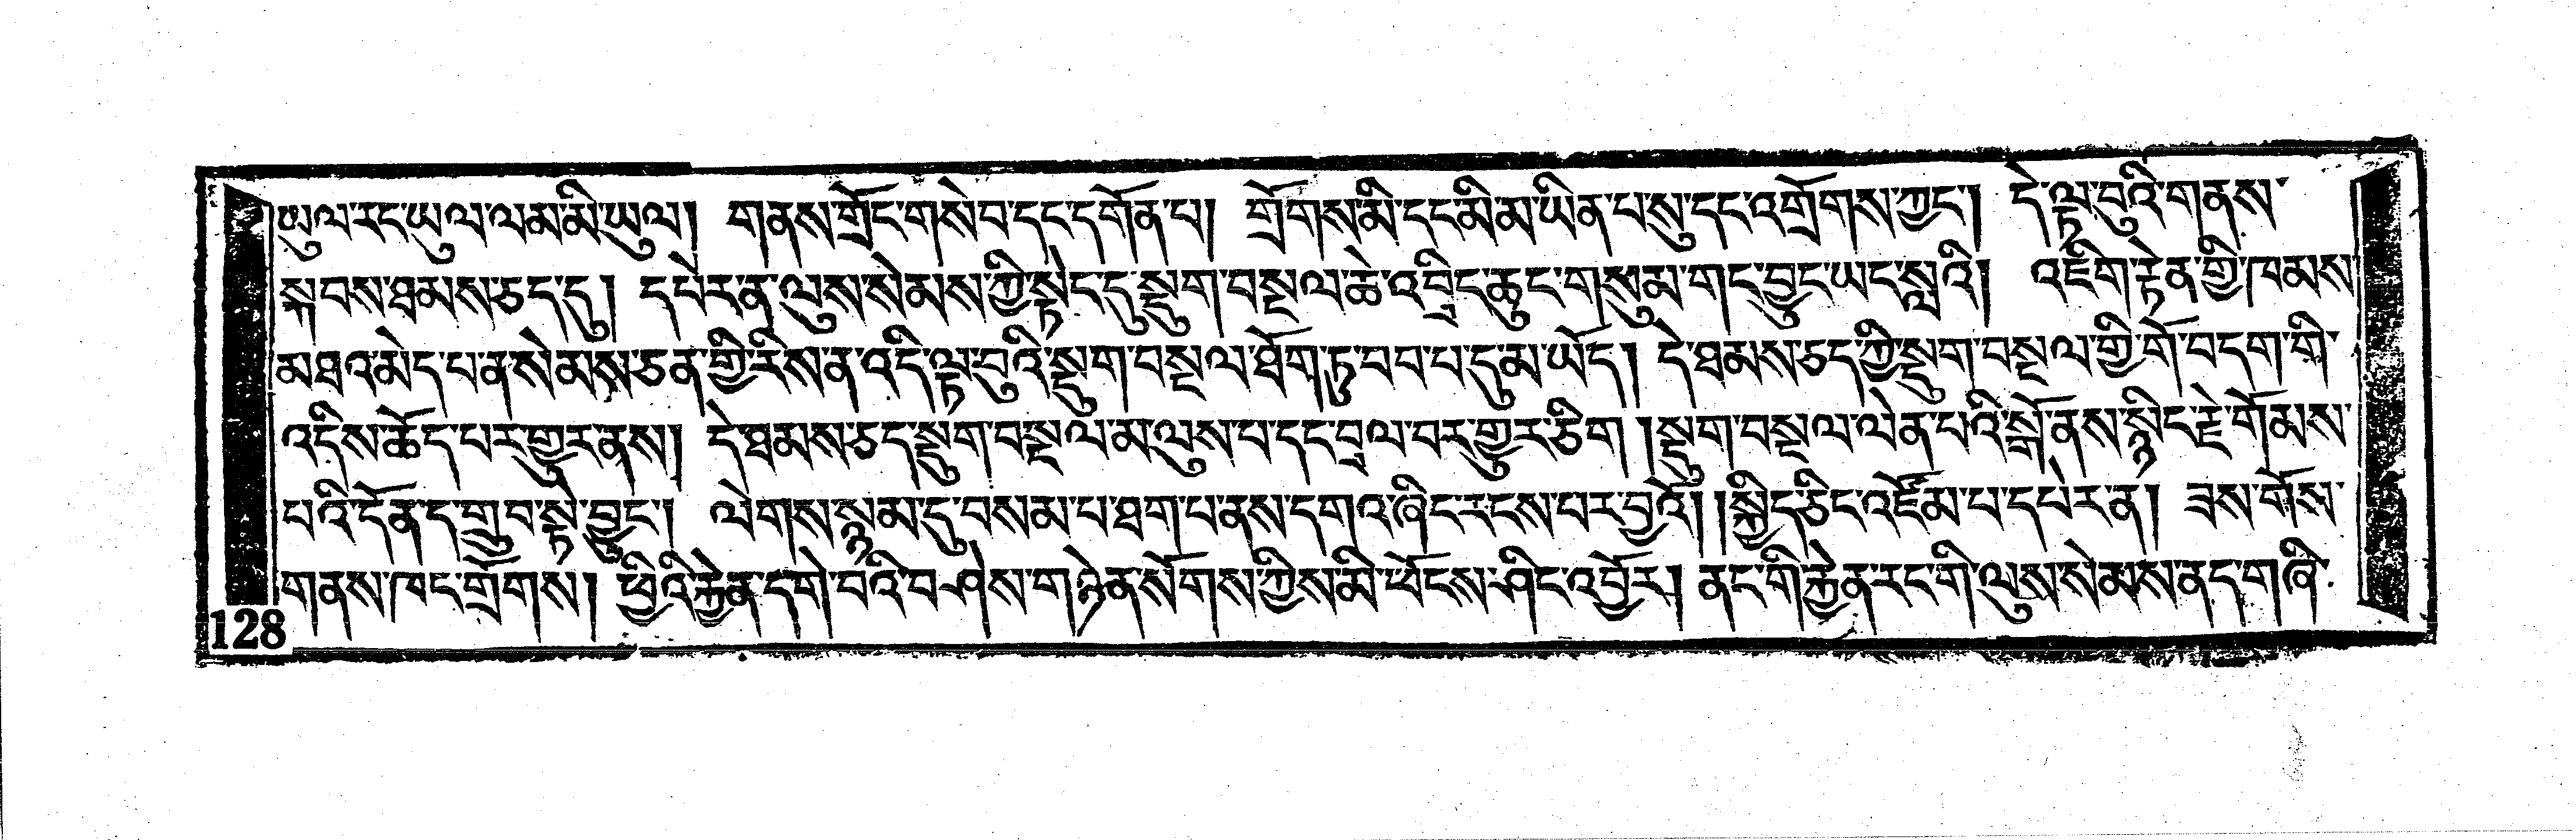ཡུལ་རང་ཡུལ་ལམ་མི་ཡུལ། གནས་གྲོང་གསེབ་དང་དགོན་པ། གྲོགས་མི་དང་མི་མ་ཡིན་པ་སུ་དང་འགྲོགས་ཀྱང་། དེ་ལྟ་བུའི་གནས་
སྐབས་ཐམས་ཅད་དུ། དཔེར་ན་ལུས་སེམས་ཀྱི་སྟེང་དུ་སྡུག་བསྔལ་ཆེ་འབྲིང་ཆུང་གསུམ་གང་བྱུང་ཡང་སླའི། འཇིག་རྟེན་གྱི་ཁམས་
མཐའ་མེད་པ་ན་སེམས་ཅན་གྱི་རིས་ན་འདི་ལྟ་བུའི་སྡུག་བསྔལ་ཐོག་ཏུ་བབ་པ་དུ་མ་ཡོད། དེ་ཐམས་ཅད་ཀྱི་སྡུག་བསྔལ་གྱི་གོ་བདག་གི་
འདིས་ཆོད་པར་གྱུར་ནས། དེ་ཐམས་ཅད་སྡུག་བསྔལ་མ་ལུས་པ་དང་བྲལ་བར་གྱུར་ཅིག །སྡུག་བསྔལ་ལེན་པའི་སྒོ་ནས་སྙིང་རྗེ་གོམས་
པའི་དོན་ད་གྲུབ་སྟེ་བྱུང་། ལེགས་སྙམ་དུ་བསམ་པ་ཐག་པ་ནས་དགའ་ཞིང་རངས་པར་བྱའོ། །སྐྱིད་ཅིང་འཛོམ་པ་དཔེར་ན། ཟས་གོས་
གནས་ཁང་གྲོགས། ཕྱིའི་རྐྱེན་དགེ་བའི་བཤེས་གཉེན་སོགས་གྱིས་མི་ཕོངས་ཤིང་འབྱོར། ནང་གི་རྐྱེན་རང་གི་ལུས་སེམས་ནད་གཞི་